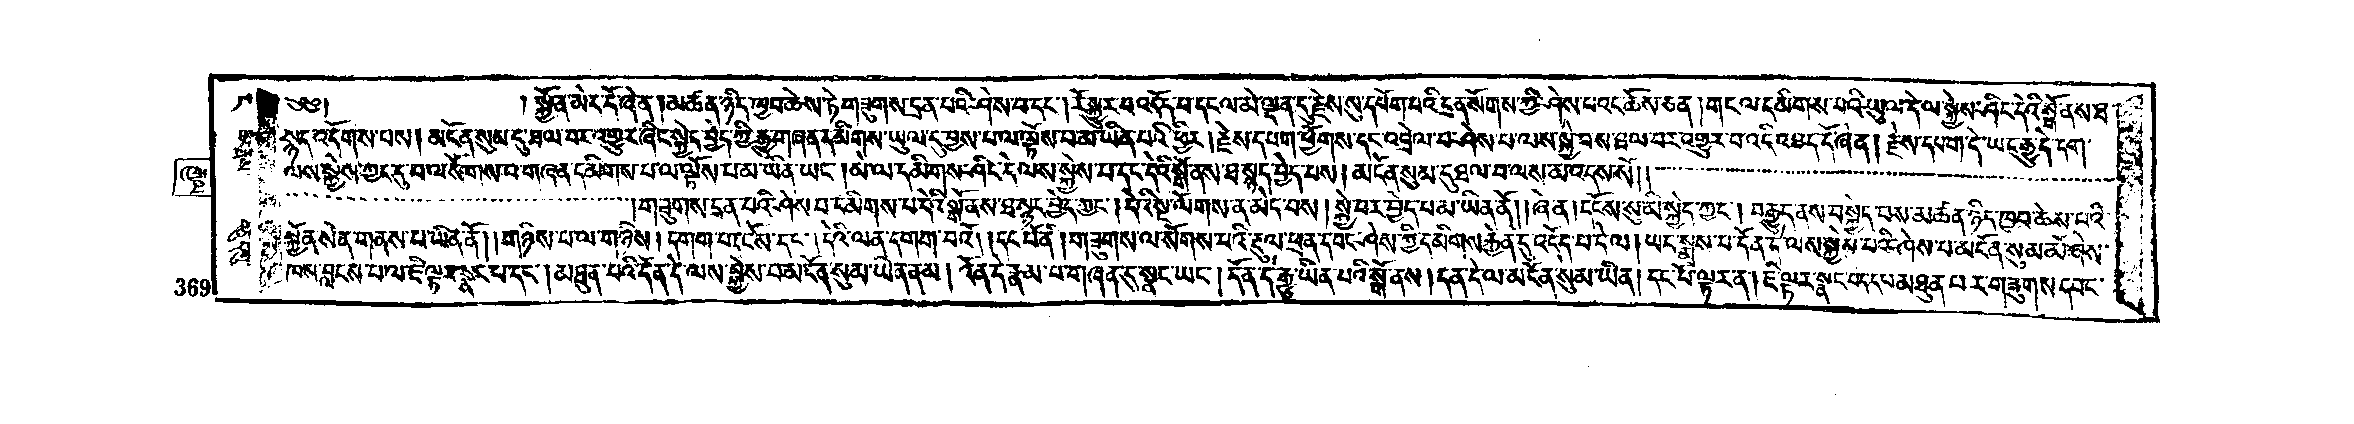༄༅། །སྐྱོན་མེད་དོ་ཞེ་ན། མཚན་ཉིད་ཁྱབ་ཆེས་ཏེ་གཟུགས་དྲན་པའི་ཤེས་པ་དང་། རོ་སྐྱུར་བ་འདོད་པ་དང་ལ་མེ་ལྡན་དུ་རྗེས་སུ་དཔོག་པའི་དྲན་སོགས་ཀྱི་ཤེས་པའང་ཆོས་ཅན། གང་ལ་དམིགས་པའི་ཡུལ་དེ་ལ་སྐྱེས་ཤིང་དེའི་སྒོ་ནས་ཐ་
སྙད་འདོགས་པས། མངོན་སུམ་དུ་ཐལ་བར་འགྱུར་ཞིང་སྐྱེད་བྱེད་ཀྱི་རྒྱུ་གཞན་དམིགས་ཡུལ་དུ་བྱས་པ་ལ་ལྟོས་པ་མ་ཡིན་པའི་ཕྱིར། རྗེས་དཔག་ཕྱོགས་དང་འབྲེལ་བ་ཤེས་པ་ལས་སྐྱེ་བ་ཐལ་བར་འགྱུར་བར་འགྱུར་བ་འདི་འཐད་དོ་ཞེ་ན། རྗེས་དཔག་དེ་ཡང་རྒྱུ་དེ་དག་
ལས་སྐྱེས་ཀྱང་དུ་བ་ལ་སོགས་པ་གཞན་དམིགས་པ་ལ་ལྟོས་པ་མ་ཡིན་ཡང་། མེ་ལ་དམིགས་ཤིང་དེ་ལས་སྐྱེས་པ་དང་དེའི་སྒོ་ནས་ཐ་སྙད་བྱེད་པས། མངོན་སུམ་དུ་ཐལ་བ་ལས་མ་འདས་སོ། །
གཟུགས་དྲན་པའི་ཤེས་པ་དམིགས་པ་དེའི་སྒོ་ནས་ཐ་སྙད་བྱེད་ཀྱང་། དེའི་སྔ་ལོགས་ན་མེད་པས། སྐྱེ་བར་བྱེད་པ་མ་ཡིན་ནོ། །ཞེ་ན། དངོས་སུ་མི་སྐྱེད་ཀྱང་། བརྒྱུད་ནས་བསྐྱེད་པས་མཚན་ཉིད་ཁྱབ་ཆེས་པའི་
སྐྱོན་སེན་གནས་པ་ཡིན་ནོ། །གཉིས་པ་ལ་གཉིས། དགག་པ་དངོས་དང་། དེའི་ལན་དགག་པའོ། །དང་པོ་ནི། གཟུགས་ལ་སོགས་པའི་རྡུལ་ཕྲན་དབང་ཤེས་ཀྱི་དམིགས་རྐྱེན་དུ་འདོད་པ་དེ་ལ། ཡང་སྨྲས་པ་དོན་དེ་ལས་སྐྱེས་པའི་ཤེས་པ་མངོན་སུམ་མོ་ཞེ་
ཁས་བླངས་པ་ལ་ཇི་ལྟར་སྣང་པ་དང་། མཐུན་པའི་དོན་དེ་ལས་སྐྱེས་པ་ངོན་སུམ་ཡིན་ནམ། འོན་དེ་རྣམ་པ་གཞན་དུ་སྣང་ཡང་། དོན་དེ་རྒྱུ་ཡིན་པའི་སྒོ་ནས། དན་དེ་ལ་མངོན་སུམ་ཡིན། དང་པོ་ལྟར་ན། ཇི་ལྟར་སྣང་བདེད་པ་མཐུན་པར་གཟུགས་དབང་